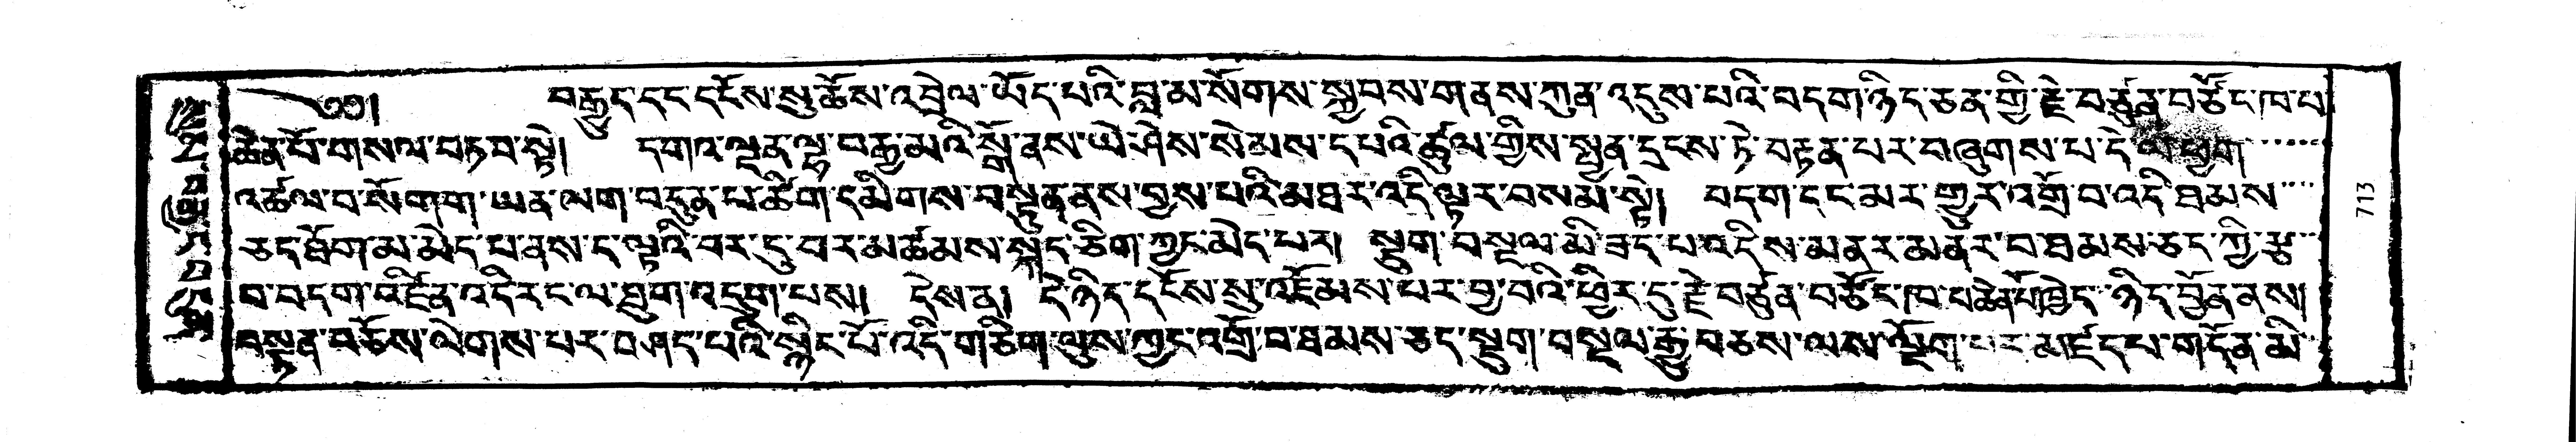༄༅། །བརྒྱུད་དང་དངོས་སུ་ཆོས་འབྲེལ་ཡོད་པའི་བླ་མ་སོགས་སྐྱབས་གནས་ཀུན་འདུས་པའི་བདག་ཉིད་ཅན་གྱི་རྗེ་བཙུན་བཙོང་ཁ་པ་
ཆེན་པོ་གསལ་བཏབ་སྟེ། དགའ་ལྡན་ལྷ་བརྒྱ་མའི་སྒོ་ནས་ཡེ་ཤེས་སེམས་དཔའི་ཚུལ་གྱིས་སྤྱན་དྲངས་ཏེ་བརྟན་པར་བཞུགས་པ་དེ་ལ་ཕྱག་
འཚལ་བ་སོག་ག་ཡན་ལག་བདུན་པ་ཚིག་དམིགས་བསྟུན་ནས་བྱས་པའི་མཐར་འདི་ལྟར་བསམ་སྟེ། བདག་དང་མར་གྱུར་འགྲོ་བ་འདི་ཐམས་
ཅད་ཐོག་མ་མེད་པ་ནས་ད་ལྟའི་བར་དུ་བར་མཚམས་སྐད་ཅིག་ཀྱང་མེད་པར། སྡུག་བསྔལ་མི་ཟད་པ་འདིས་མནར་མནར་བ་ཐམས་ཅད་ཀྱི་རྩ་
བ་བདག་འཛིན་འདི་རང་ལ་ཐུག་འདུག་པས། དེས་ན། དེ་ཉིད་དངོས་སུ་འཇོམས་པར་བྱ་བའི་ཕྱིར་དུ་རྗེ་བཙུན་བཙོང་ཁ་པ་ཆེན་པོ་ཁྱེད་ཉིད་བྱོན་ནས།
བསྟན་བཅོས་ལེགས་པར་བཤད་པའི་སྙིང་པོ་འདི་གཅིག་ལུས་ཀྱང་འགྲོ་བ་ཐམས་ཅད་སྡུག་བསྔལ་རྒྱུ་བཅས་ལས་ལྡོག་པར་མཛད་པ་གདོན་མི་